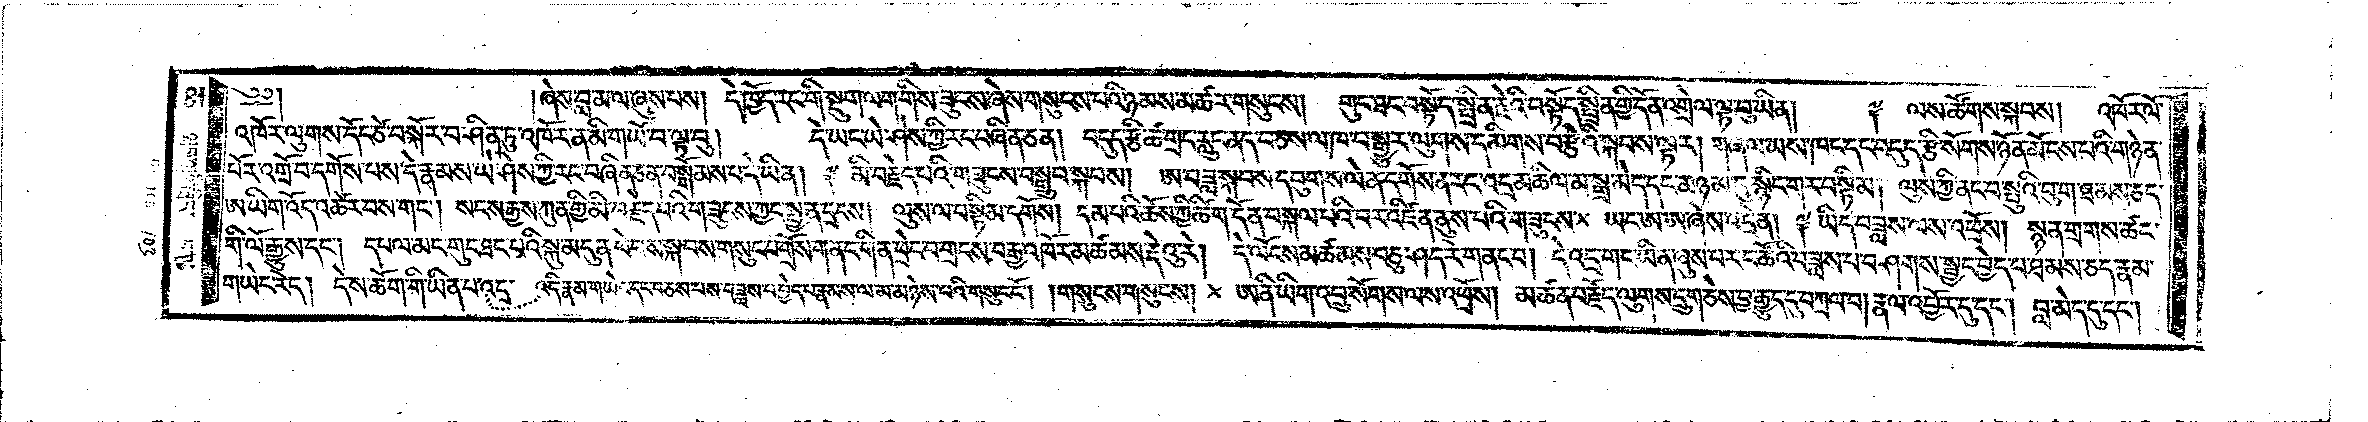༄༅། །ཞེས་བླ་མ་ལ་ཞུས་པས། དེ་ཁྱོད་རང་གི་སྡུག་ལག་གིས་ཟུངས་ཞེས་གསུངས་པའི་ཉམས་མཚར་གསུངས། གུང་ཐང་བསྟོད་སྤྲིན་རྗེའི་བསྟོད་སྤྲིན་གྱི་དོན་འགྲེལ་ལྟ་བུ་ཡིན། ༈ ལས་ཚོགས་སྐབས། འཁོར་ལོ་
འཁོར་ལུགས་དོང་ཙེ་བསྐོར་བ་ཤིན་ཏུ་འཁོར་ན་མི་གཡོ་བ་ལྟ་བུ། དེ་ཡང་ཡེ་ཤེས་ཀྱི་རང་བཞིན་ཅན། བདུད་རྩི་ཚ་གྲང་རླུང་ནད་བཅས་ལ་ཁ་བསྒྱུར་ལུགས་དམིགས་བརྩེའི་སྐབས་ལྟར། གཞལ་ཡས་ཁང་དང་བདུད་རྩི་སོགས་ཉོན་མོངས་པའི་གཉེན་
པོར་འགྲོ་བ་དགོས་པས་དེ་རྣམས་ཡེ་ཤེས་ཀྱི་རང་བཞིན་ཅན་བསྒོམས་པ་དེ་ཡིན། ༈ མི་བརྗེད་པའི་གཟུངས་བསྒྲུབ་སྐབས། ཨ་བཟླ་སྐབས་དབུགས་ལེན་དགོས་ན་རང་འདྲ་མཆིལ་མ་སྒྲ་མེད་དང་མཉམ་དུ་སྙིང་གར་བསྟི་མ། ལུས་ཀྱི་ནང་བ་སྤུའི་བུག་ཐམས་ཅད་
ཨ་ཡིག་འོད་འཚོར་བས་གང་། སངས་རྒྱས་ཀུན་གྱི་མི་བརྗེད་པའི་གཟུངས་ཀྱང་སྤྱན་དྲངས། ལུས་ལ་བསྟིམ་དགོས། དམ་པའི་ཆོས་ཀྱི་ཚིག་དོན་བསྐལ་པའི་བར་འཛིན་ནུས་པའི་གཟུངས་྾་ཡང་ཨ་ཨ་ཞེས་འདྲེན། ༈ ཡིད་བཟླས་ལས་འཕྲོས། སྙན་གྲགས་ཚང་
གི་ལོ་རྒྱུས་དང་། དཔལ་མང་གུང་ཐང་པའི་སྐུ་མདུན་ཕེབས་སྐབས་གསུང་བགྲོས་གནང་གིན་ཕྲེང་བ་གྲངས་བརྒྱ་འཁོར་མཚམས་རྡེའུ་རེ། དེ་ལོངས་མཚམས་བཅུ་ཤད་རེ་གནང་བ། དེ་འདྲ་གང་ཡིན་ཞུས་པར་ང་ཚོའི་བཟླས་པ་བཤགས་སྦྱང་བྱེད་པ་ཐམས་ཅད་རྣམ་
གཡེང་རེད། དེས་ཆོག་གི་ཡིན་པ་འདི་རྣམ་གཡེང་དང་བཅས་པས་བཟླས་པ་བྱེད་པ་རྣམས་ལམ་མཉེས་པའི་གསུང་ངོ།  གསུངས་གསུངས། ྾་ཨ་ནི་ཡིག་འབྲུ་སོགས་ལས་འཕྲོས། མཚན་བརྗོད་ལུགས་དྲུག་ཅེས་བྱ་རྒྱུད་དུ་བཀྲལ་བ་།རྣལ་འབྱོར་དུ་དང་། བླ་མེད་དུ་དང་།